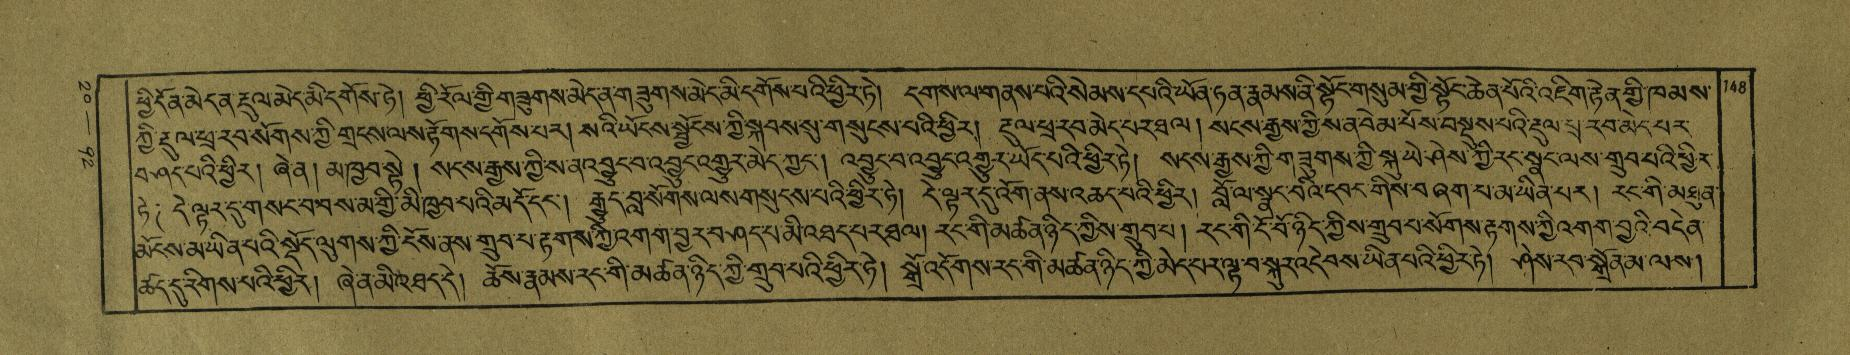ཕྱི་དོན་མེད་ན་རྡུལ་མེད་མི་དགོས་ཏེ། ཕྱི་རོལ་གྱི་གཟུགས་མེད་ན་གཟུགས་མེད་མི་དགོས་པའི་ཕྱིར་ཏེ། དག་ས་ལ་གནས་པའི་སེམས་དཔའི་ཡོན་ཏན་རྣམས་ནི་སྟོང་གསུམ་གྱི་སྟོང་ཆེན་པོའི་འཇིག་རྟེན་གྱི་ཁམས་
ཀྱི་རྡུལ་ཕྲ་རབ་སོགས་ཀྱི་གྲངས་ལས་རྟོགས་དགོས་པར། སའི་ཡོངས་སྦྱོངས་ཀྱི་སྐབས་སུ་གསུངས་པའི་ཕྱིར། རྡུལ་ཕྲ་རབ་མེད་པར་ཐལ། སངས་རྒྱས་ཀྱི་ས་ན་བེམ་པོས་བསྡུས་པའི་རྡུལ་ཕྲ་རབ་མེད་པར་
བཤད་པའི་ཕྱིར། ཞེ་ན། མ་ཁྱབ་སྟེ། སངས་རྒྱས་ཀྱི་ས་ན་འབྱུང་བ་འབྱུང་འགྱུར་མེད་ཀྱང་། འབྱུང་བ་འབྱུང་འགྱུར་ཡོད་པའི་ཕྱིར་ཏེ། སངས་རྒྱས་ཀྱི་གཟུགས་ཀྱི་སྐུ་ཡེ་ཤེས་ཀྱི་རང་སྣང་ལས་གྲུབ་པའི་ཕྱིར་
ཏེ༑ དེ་ལྟར་དུ་གསང་བ་བས་མ་གྱི་མི་ཁྱབ་པའི་མདོ་དང་། རྒྱུད་བླ་སོགས་ལས་གསུངས་པའི་ཕྱིར་ཏེ། དེ་ལྟར་དུ་འོག་ནས་འཆད་པའི་ཕྱིར། བློ་ལ་སྣང་བའི་དབང་གིས་བཞག་པ་མ་ཡིན་པར། རང་གི་མཐུན་
མོངས་མ་ཡིན་པའི་སྡོད་ལུགས་ཀྱི་ངོས་ནས་གྲུབ་པ་རྟགས་ཀྱི་འགག་བྱར་བཤད་པ་མི་འཐད་པར་ཐལ། རང་གི་མཚན་ཉིད་ཀྱིས་གྲུབ་པ། རང་གི་ངོ་བོ་ཉིད་ཀྱིས་གྲུབ་པ་སོགས་རྟགས་ཀྱི་འགག་བྱའི་བདེན་
ཚད་དུ་རིགས་པའི་ཕྱིར། ཞེ་ན་མི་འཐད་དེ། ཆོས་རྣམས་རང་གི་མཚན་ཉིད་ཀྱི་གྲུབ་པའི་ཕྱིར་ཏེ། སྒྲོ་འདོགས་རང་གི་མཚན་ཉིད་ཀྱི་མེད་པར་ལྟ་བ་སྐུར་འདེབས་ཡིན་པའི་ཕྱིར་ཏེ། ཤེས་རབ་སྒྲོན་མ་ལས།